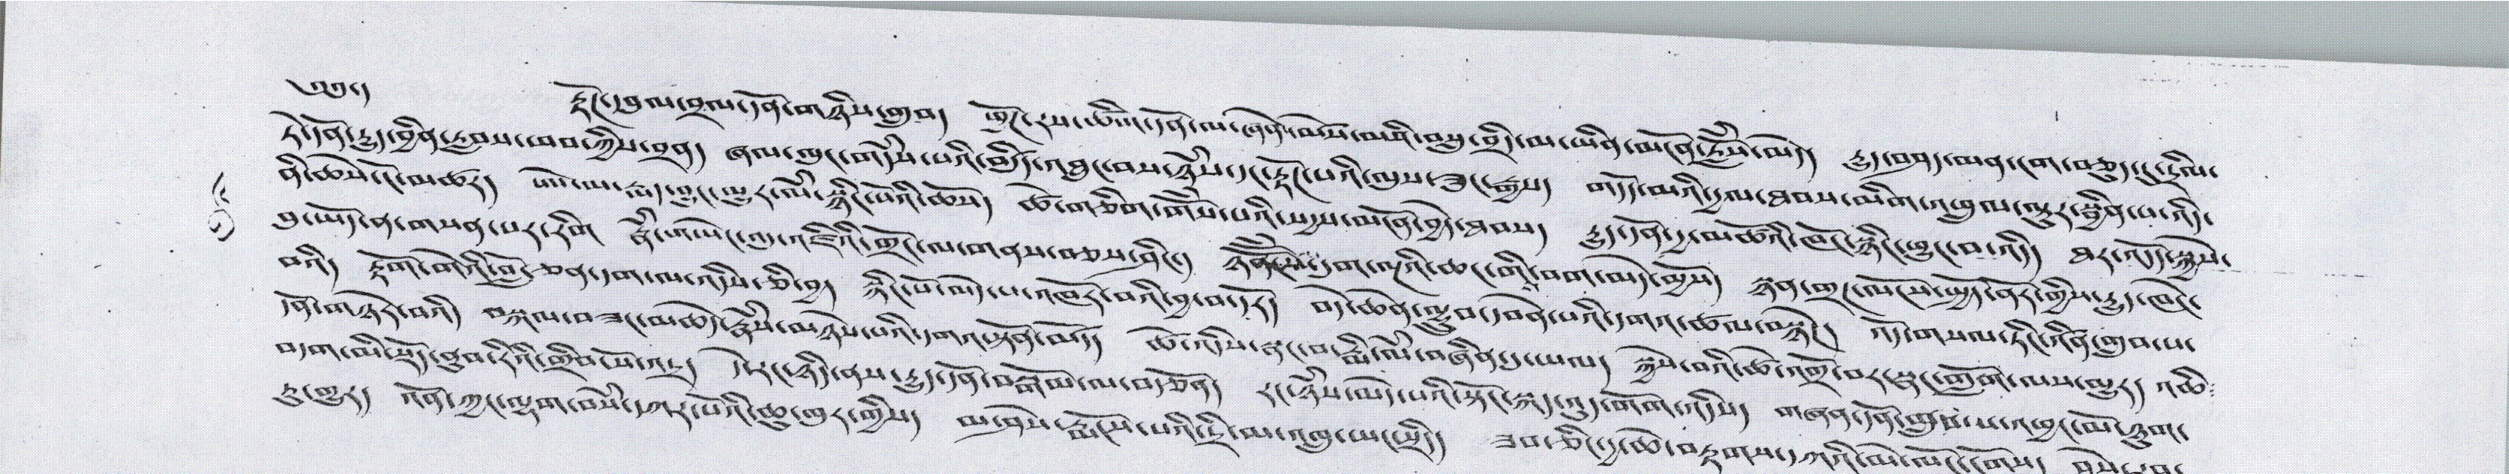རྟོགས་དབུལ་བྲལ་དོན་གཉིས་གྲུབ། ཕྱོགས་རས་ཚིག་དོན་ལ་ཞེན་མཛེས་མའི་བསླུ་བྲིད་མ་ཡིན་མངོན་རློམས་མེད། རྒྱུད་བཤད་མན་ངག་བཅུད་དུ་དྲིལ་
ཏེ་དོན་རྒྱུད་བྱིན་རླབས་ཕབ་ཀྱིས་བྲན། ཞལ་ལུང་གདམས་པའི་བདུད་རྩི་འཐུང་བས་ཉམས་དང་རྟོགས་པའི་ལུས་ཟུང་རྒྱས། གདོད་མའི་རྒྱལ་ཐབས་མིག་འཕྲུལ་ལྟ་བུར་སྦྱིན་པ་འདི་
ནི་ཆོས་ངོ་མཚར། ཨེ་མ་རྨད་བྱུང་མྱུར་ལམ་སྙིང་པོའི་ཆོས། ཚེ་གཅིག་གོམས་པའི་སངས་རྒྱས་མངོན་བྱེད་ཐབས། རྒྱུད་དོན་རྒྱ་མཚོའི་ཁོང་སྙིང་ཕྱུང་བ་འདི། ཐར་འདོད་སྐྱེས་
བུ་ཡོད་ན་གསན་པར་རིག རྣམ་གཡེང་འདུ་འཛིའི་གྲོང་ལ་གནས་བཅས་ཤིང། ཉོན་མོངས་དུག་ལྔའི་ཆང་གིས་བག་མེད་མྱོས། སྙན་གྲགས་ལོངས་སྤྱོད་ནོར་གྱིས་རྒྱུད་ཁེང་
བའི། རྟོག་གེའི་བློ་ཅན་དག་ལ་འདིས་ཅི་བྱ། སྙིང་པོ་མེད་པ་འཁོར་བའི་བྱ་བ་དོར། བདེ་ཆེན་ལྷུན་གྲུབ་དབེན་པའི་དགའ་ཚལ་བསྙེགས། འོད་གསལ་ཏིང་འཛིན་གྲུབ་པ་
དོན་གཉེར་བའི། བསྐལ་བཟང་མཆེད་རྣམས་མཉེས་པའི་དགའ་སྟོན་མཛོད། ཚེ་འདིས་སྣང་བ་རྨི་ལམ་བཞིན་དུ་ཡལ། སྐྱེས་པའི་ཚེ་འགྲོ་བར་སྣང་གློག་ལས་མྱུར། འཆི་
བདག་མི་སྡོད་ནུབ་རིའི་གྲིབ་སོ་འདྲ། དེ་རང་ཉིད་ནས་རྒྱུད་དོན་བསྒོམ་ལ་བརྩོན། རང་ཉམས་མེད་པའི་སྟོང་སྐད་འུད་གོག་འདིས། གཞན་དོན་གྲུབ་པ་འཕྱང་མོ་ཉུག་
ཏུ་གྱུར། འོན་ཀྱང་ལྷག་བསམ་དཀར་པོའི་ཆུ་ཁུར་གྱིས། མ་ཤེས་རྨོངས་པའི་དྲི་མ་འཁྲུ་ཡང་སྲིད། ཟབ་ཅིང་རྒྱ་ཆེ་བརྟགས་དཀའི་མེ་ལོང་དགོས། ཤེས་རབ་